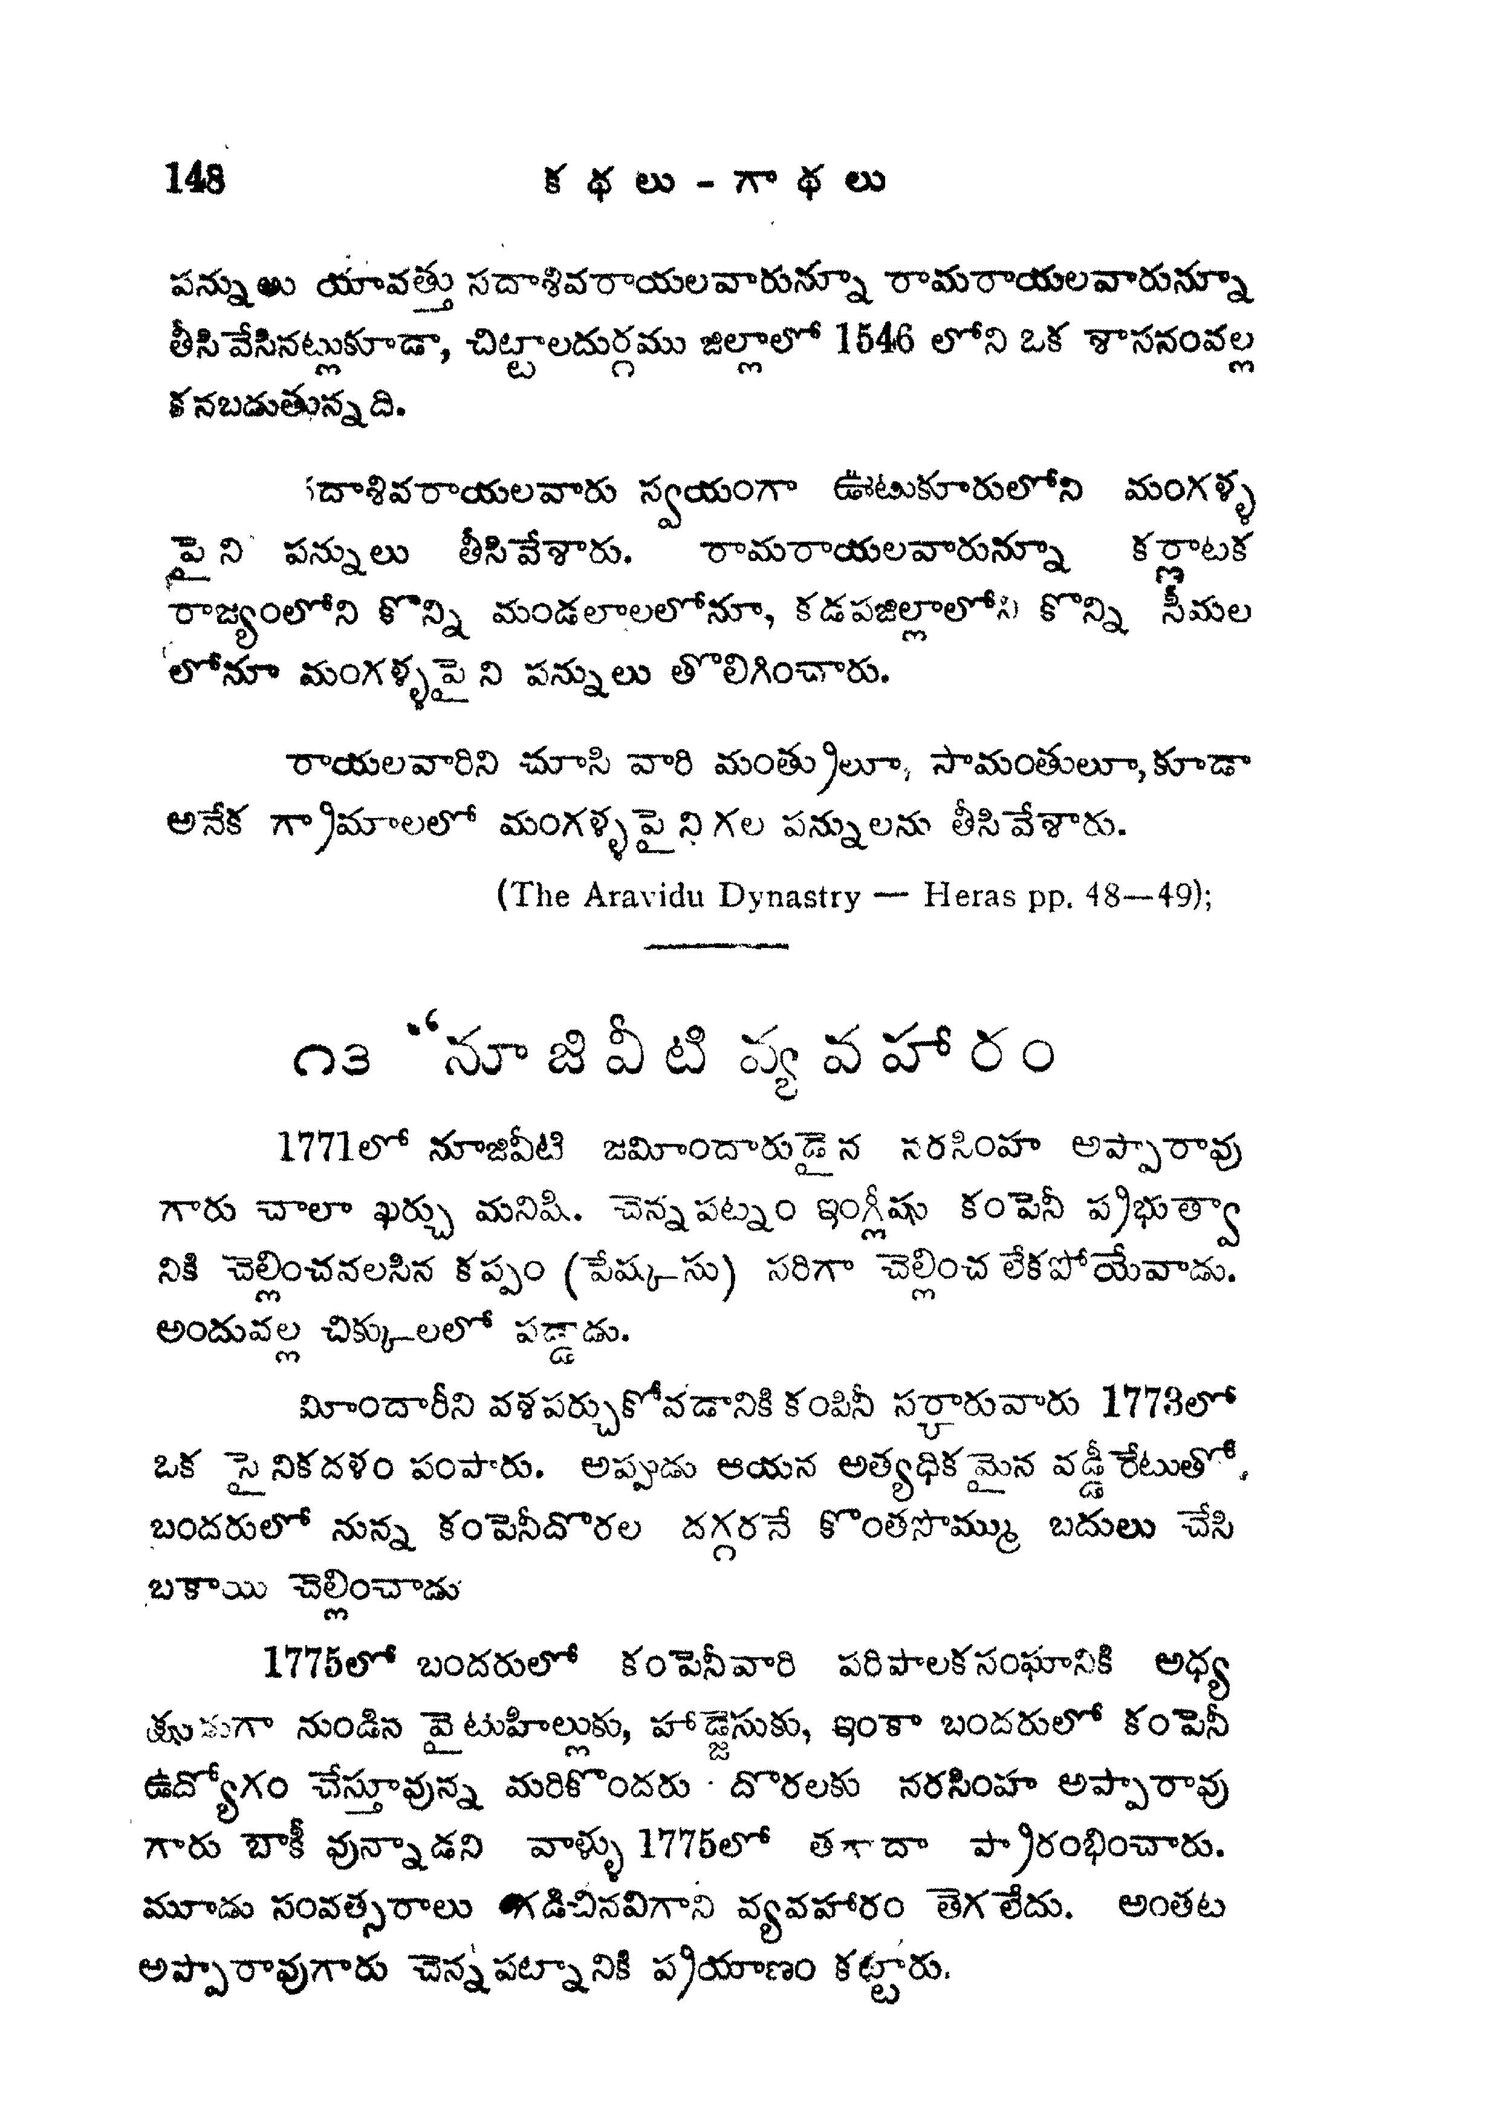పన్నులు యావత్తు సదాశివరాయలవారున్నూ రామరాయలవారున్నూ తీసివేసినట్లుకూడా, చిట్టాలందుర్గము జిల్లాలొ 1546 లోని ఒక శాసనంవల్ల కనబడుతున్నది.

సదాశివరాయలవారు స్వయంగా ఊటుకూరులోని మంగళ్ళ పైని పన్నులు తీసివేశారు. రామరాయలవారున్నూ కర్ణాటక రాజ్యంలోని కొన్ని మండలాలలోనూ, కడపజిల్లాలోని కొన్ని సీమల లోనూ మంగళ్లపైని పన్నులు తొలిగించారు.

రాయలవారిని చూసి వారి మంత్రులూ సామంతులూ కూడా అనేక గ్రామాలలో మంగళ్లపైని పన్నులు తీసివేశారు .
(The Aravidu Dynasty --Heras pp. 48-49)

1771 లో నూజివీటి జిమీందారుడైన నరసింహ అప్పారావు గారు చాలా ఖర్చు మనిషి. చెన్నపట్నం ఇంగ్లీషు కంపనీ ప్రభుత్వానికి చెల్లించవలసిన కప్పం(పేష్కసు) సరిగా చెల్లించలేకపోయేవాడు. అందువల్ల చిక్కులలో పడ్డాడు.

జమీందారీని వశపర్చుకోవడానికి కంపినీ సర్కారువారు 1773 లో బందరులో ఒక సైనికదళం పంపారు. అప్పుడు ఆయన అత్యధికమైన వడ్డీరేటుతో బందరులో నున్న కంపెనీదొరల దగ్గరనే కొంతసొమ్ము బదులు చేసి బకాయి చెల్లించాడు.

1775లో బందరు కంపెనీవారి పరిపాలనసంఘానికి అధ్యక్షుడుగా నుండిన వైటుహిల్లుకు, హాడ్జెసుకు, ఇంకా బందరులో కంపెనీ ఉద్యోగం చేస్తూవున్న మరికొందరు దొరలకు నరసింహా అప్పారావు గారు బాకీ వున్నారనీ వాళ్ళు 1775లో తగాదా ప్రారంభించారు. మూడు సంవత్సరాలు గడిచినవి గాని వ్యవహారం తెగలేదు. అంతట అప్పారావుగారు చెన్నపట్నానికి ప్రయాణం కట్టారు.